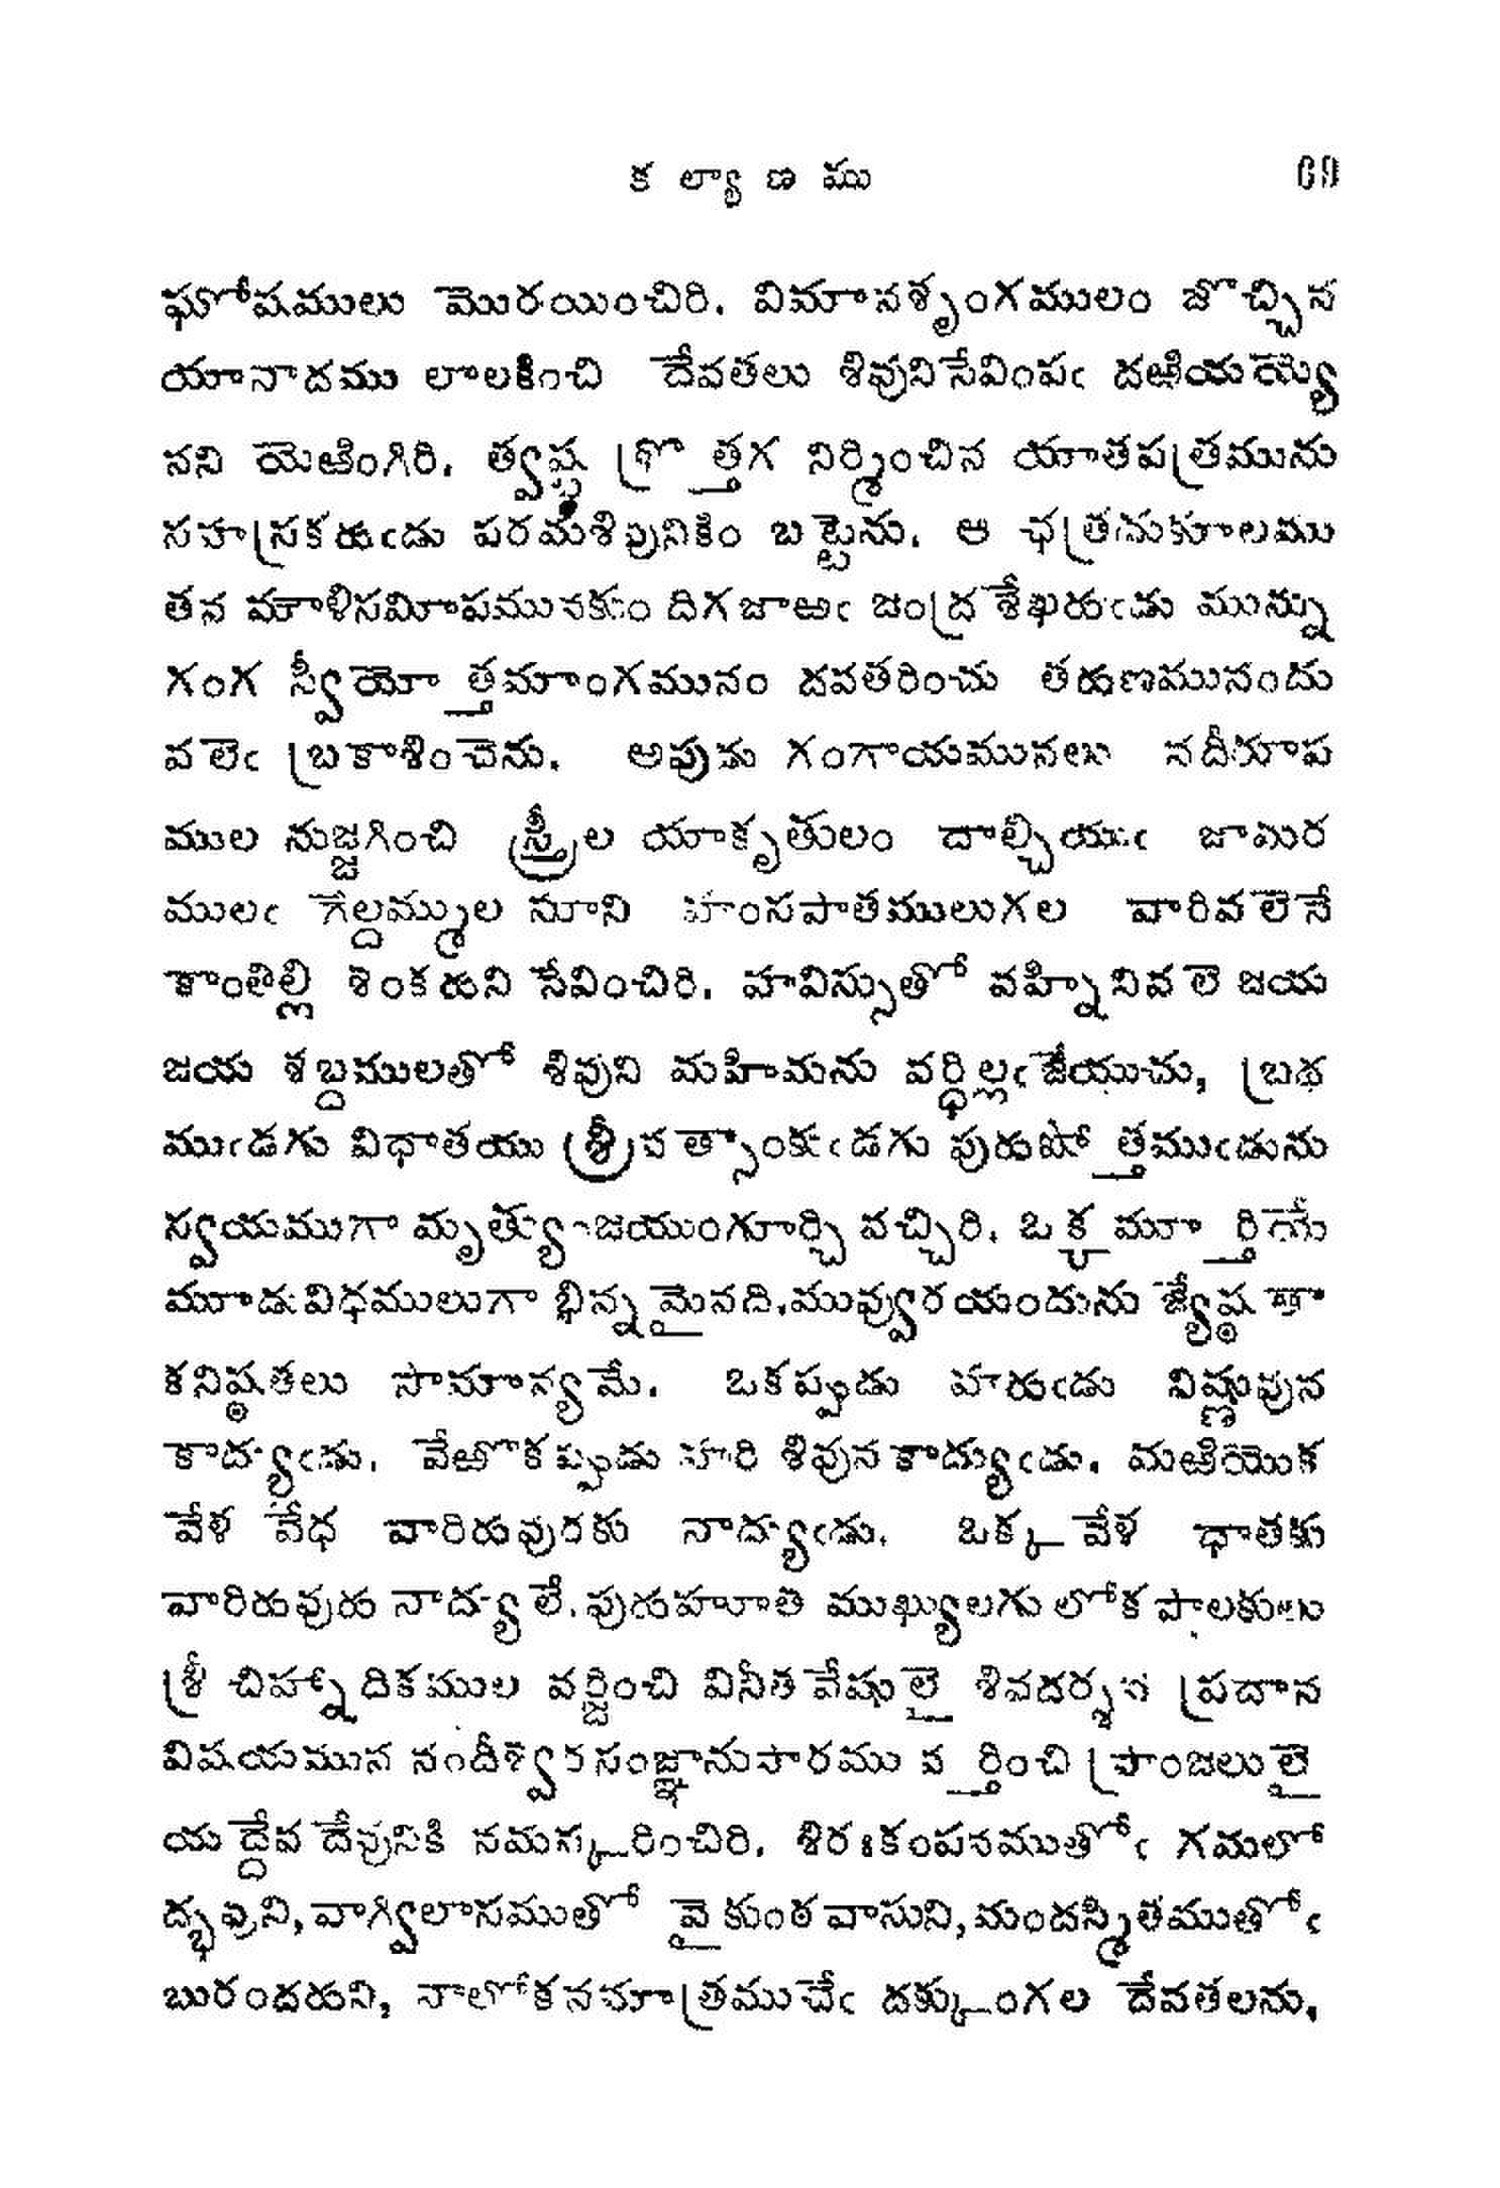ఘోషములు మొరయించిరి. విమానశృంగములం జొచ్చిన యానాదము లాలకించి దేవతలు శివుని సేవింపఁ దఱియయ్యె
నని యెఱింగిరి. త్వష్ట క్రొత్తగా నిర్మించిన యాతపత్రమును సహస్రకరుఁడు పరమశివునికిం బట్టెను. ఆ ఛత్రముకూలము
తన మాళిసమీపమునకుం దిగజాఱఁ జంద్రశేఖరుఁడు మున్ను గంగ స్వీయో త్తమాంగమునం దవతరించు తరుణమునందు
వలెఁ బ్రకాశించెను. అపుడు గంగాయమునలు నదీరూపముల నుజ్జగించి స్త్రీల యాకృతులం దాల్చియుఁ జామరములఁ గేల్దమ్ముల నూని హంసపాతములు గల వారివలెనే కాంతిల్లి శంకరుని సేవించిరి. హవిస్సుతో వహ్నినివలె జయ జయ శబ్దములతో శివుని మహిమను వర్ధిల్లఁ జేయుచు, బ్రథముఁడగు విధాతయు శ్రీవత్సాంకుఁడగు పురుషో త్తముఁడును
స్వయముగా మృత్యు - జయుం గూర్చి వచ్చిరి. ఒక్క మూర్తియే మూడు విధములుగా భిన్నమైనది, మువ్వురయందును జ్యేష్ఠ తా కనిష్ఠతలు సామాన్యమే. ఒకప్పుడు హరుఁడు విష్ణువున కాద్యుఁడు, వేఱొకప్పుడు హరి శివున కాద్యుఁడు. మఱియొక
వేళ వేధ వారిరువురకు నాద్యుఁడు, ఒక్క వేళ ధాతకు వారిరువురు నాద్యులే. పురుహూతి ముఖ్యులగు లోక పాలకులు
శ్రీ చిహ్నాదికముల వర్ణించి వినీత వేషులై శివదర్శణ ప్రజాన విషయమున నందీశ్వర సంజ్ఞానుసారము వర్తించి ప్రాంజలు లై
యద్దేవ దేవునికి నమస్కరించిరి. శిరఃకంపనముతోఁ గమలోద్భవుని, వాగ్విలాసముతో వైకుంఠవాసుని, మందస్మితముతోఁ
బురందరుని, నాలోకనమాత్రము చేఁ దక్కుంగల దేవతలను,